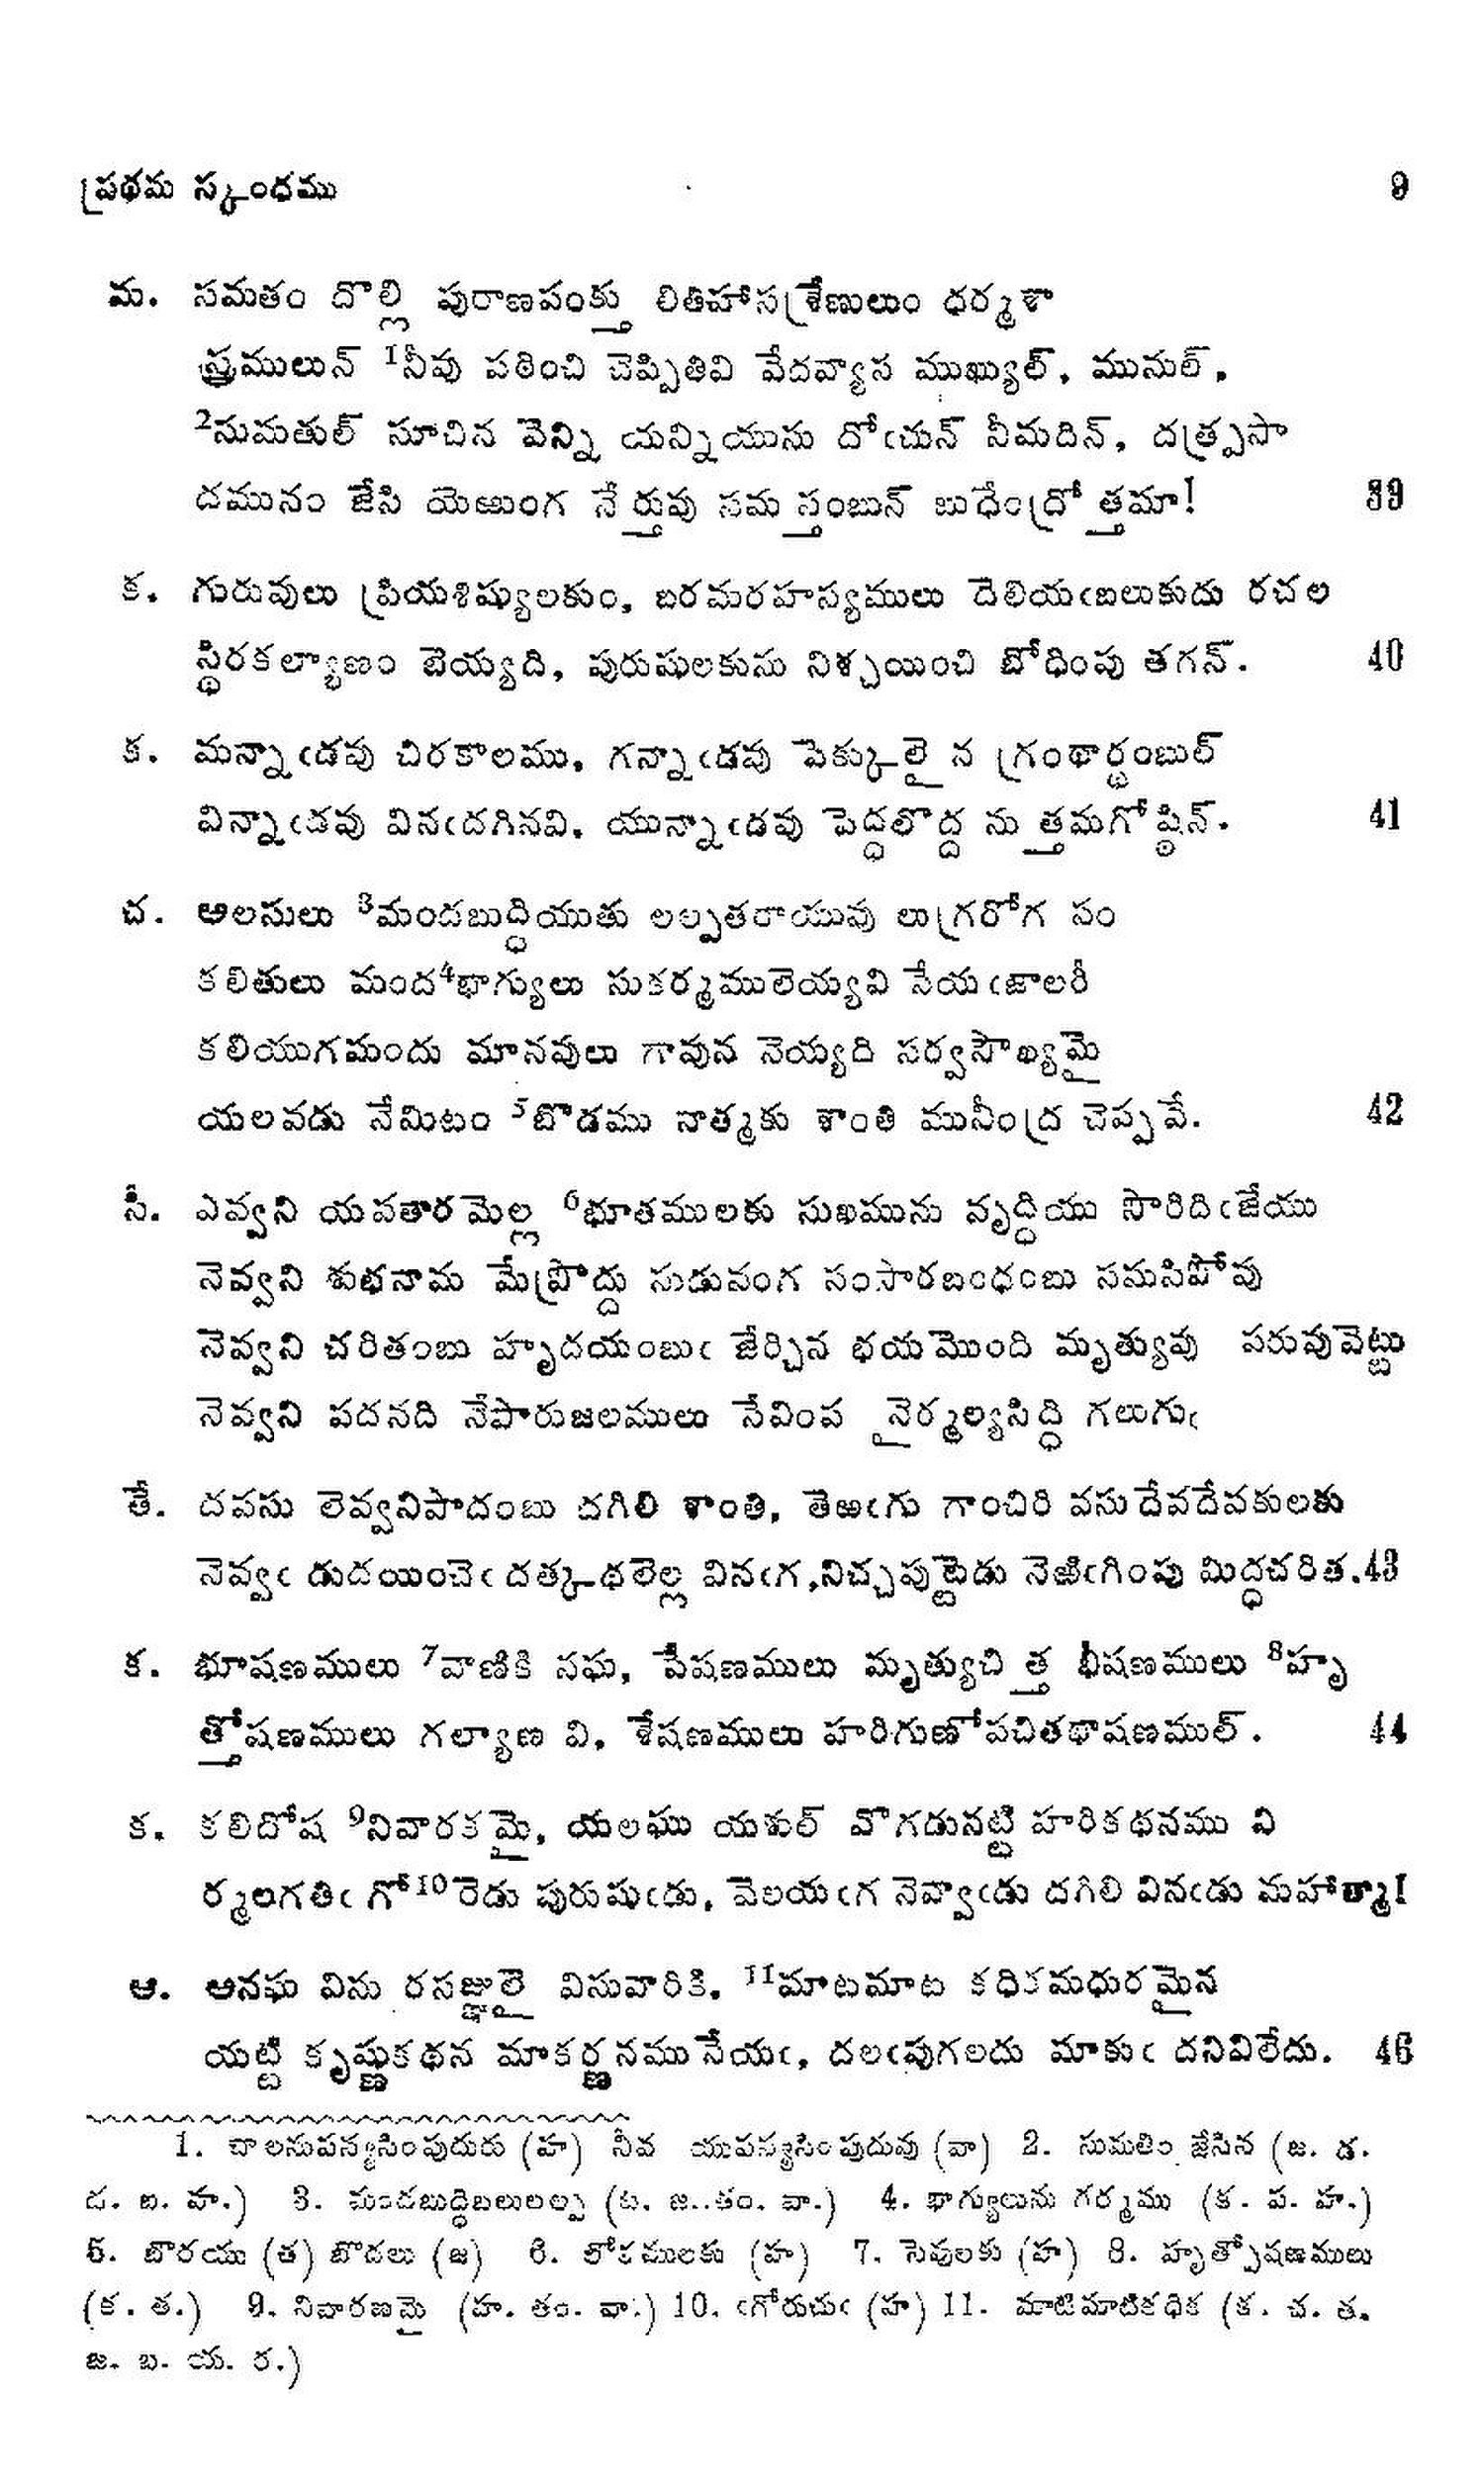9

మ. సమతం దొల్లి పురాణ పంక్తు లితిహాస శ్రేణులుం ధర్మ శా

స్త్రములున్ నీవు పఠించి చెప్పితివి వేదవ్యాస ముఖ్యుల్ మునుల్

సుమతుల్ సూచినవెన్ని యన్నియును దోఁచున్ నీ మదిన్ దత్‌ప్రసా

దమునం జేసి యెఱుంగ నేర్తువు సమస్తంబున్ బుధేంద్రోత్తమా ! (1-39)

కం. గురువులు ప్రియశిష్యులకుం, బరమ రహస్యములు దెలియఁ బలుకుదు రచల

స్థిర కల్యాణంబెయ్యది, పురుషులకును నిశ్చయించి బోధింపు తగన్. (1-40)

కం. మన్నాఁడవు చిరకాలము, గన్నాఁడవు పెక్కులైన గ్రంథార్థంబుల్

విన్నాఁడవు వినఁదగినవి, యున్నాఁడవు పెద్దలొద్ద నుత్తమగోష్ఠిన్. (1-41)

చం. అలసులు మందబుద్ధియుతు లల్పతరాయువు లుగ్రరోగ సం

కలితులు మందభాగ్యులు సుకర్మము లెయ్యవి సేయఁజాలరీ

కలియుగమందు మానవులు గావున నెయ్యది సర్వసౌఖ్యమై 

యలవడు నేమిటం బొడము నాత్మకు శాంతి మునీంద్ర ! చెప్పవే. (1-42)

సీ. ఎవ్వని యవతారమెల్ల భూతములకు, సుఖమును వృద్ధియు సొరిదిఁ జేయు

నెవ్వని శుభనామ మే ప్రొద్దు నుడువంగ, సంసార బంధంబు సమసిపోవు

నెవ్వని చరితంబు హృదయంబుఁ జేర్చిన, భయమొంది మృత్యువు పరుగు వెట్టు

నెవ్వని పదనది నేపాఱు జలములు, సేవింప నైష్కర్మ్య సిద్ధి గలుగుఁ

తే.గీ. దపసు లెవ్వాని పాదంబు దగిలి శాంతి, తెఱఁగు గాంచిరి వసుదేవ దేవకులకు

నెవ్వఁ డుదయించెఁ దత్కథ లెల్ల వినఁగ, నిచ్చ పుట్టెడు నెఱిగింపు మిద్ధచరిత. (1-43)

కం. భూషణములు వాణికి నఘ, పేషణములు మృత్యుచిత్త భీషణములు హృ

త్తోషణములు గల్యాణ వి, శేషణములు హరిగుణోపచిత భాషణముల్.(1-44)

కం. కలిదోష నివారకమై, యలఘు యశుల్ వొగడునట్టి హరికథనము ని,
 
ర్మల గతిఁ గోరెడు పురుషుఁడు, వెలయఁగ నెవ్వాఁడు దగిలి వినఁడు మహాత్మా ! (1-45)

ఆ.వె. అనఘ ! విను ! రసజ్ఞులై వినువారికి, మాట మాట కధిక మధురమైన

యట్టి కృష్ణు కథన మాకర్ణనము సేయఁ , దలఁపు గలదు మాకుఁ దనివి లేదు. (1-46)